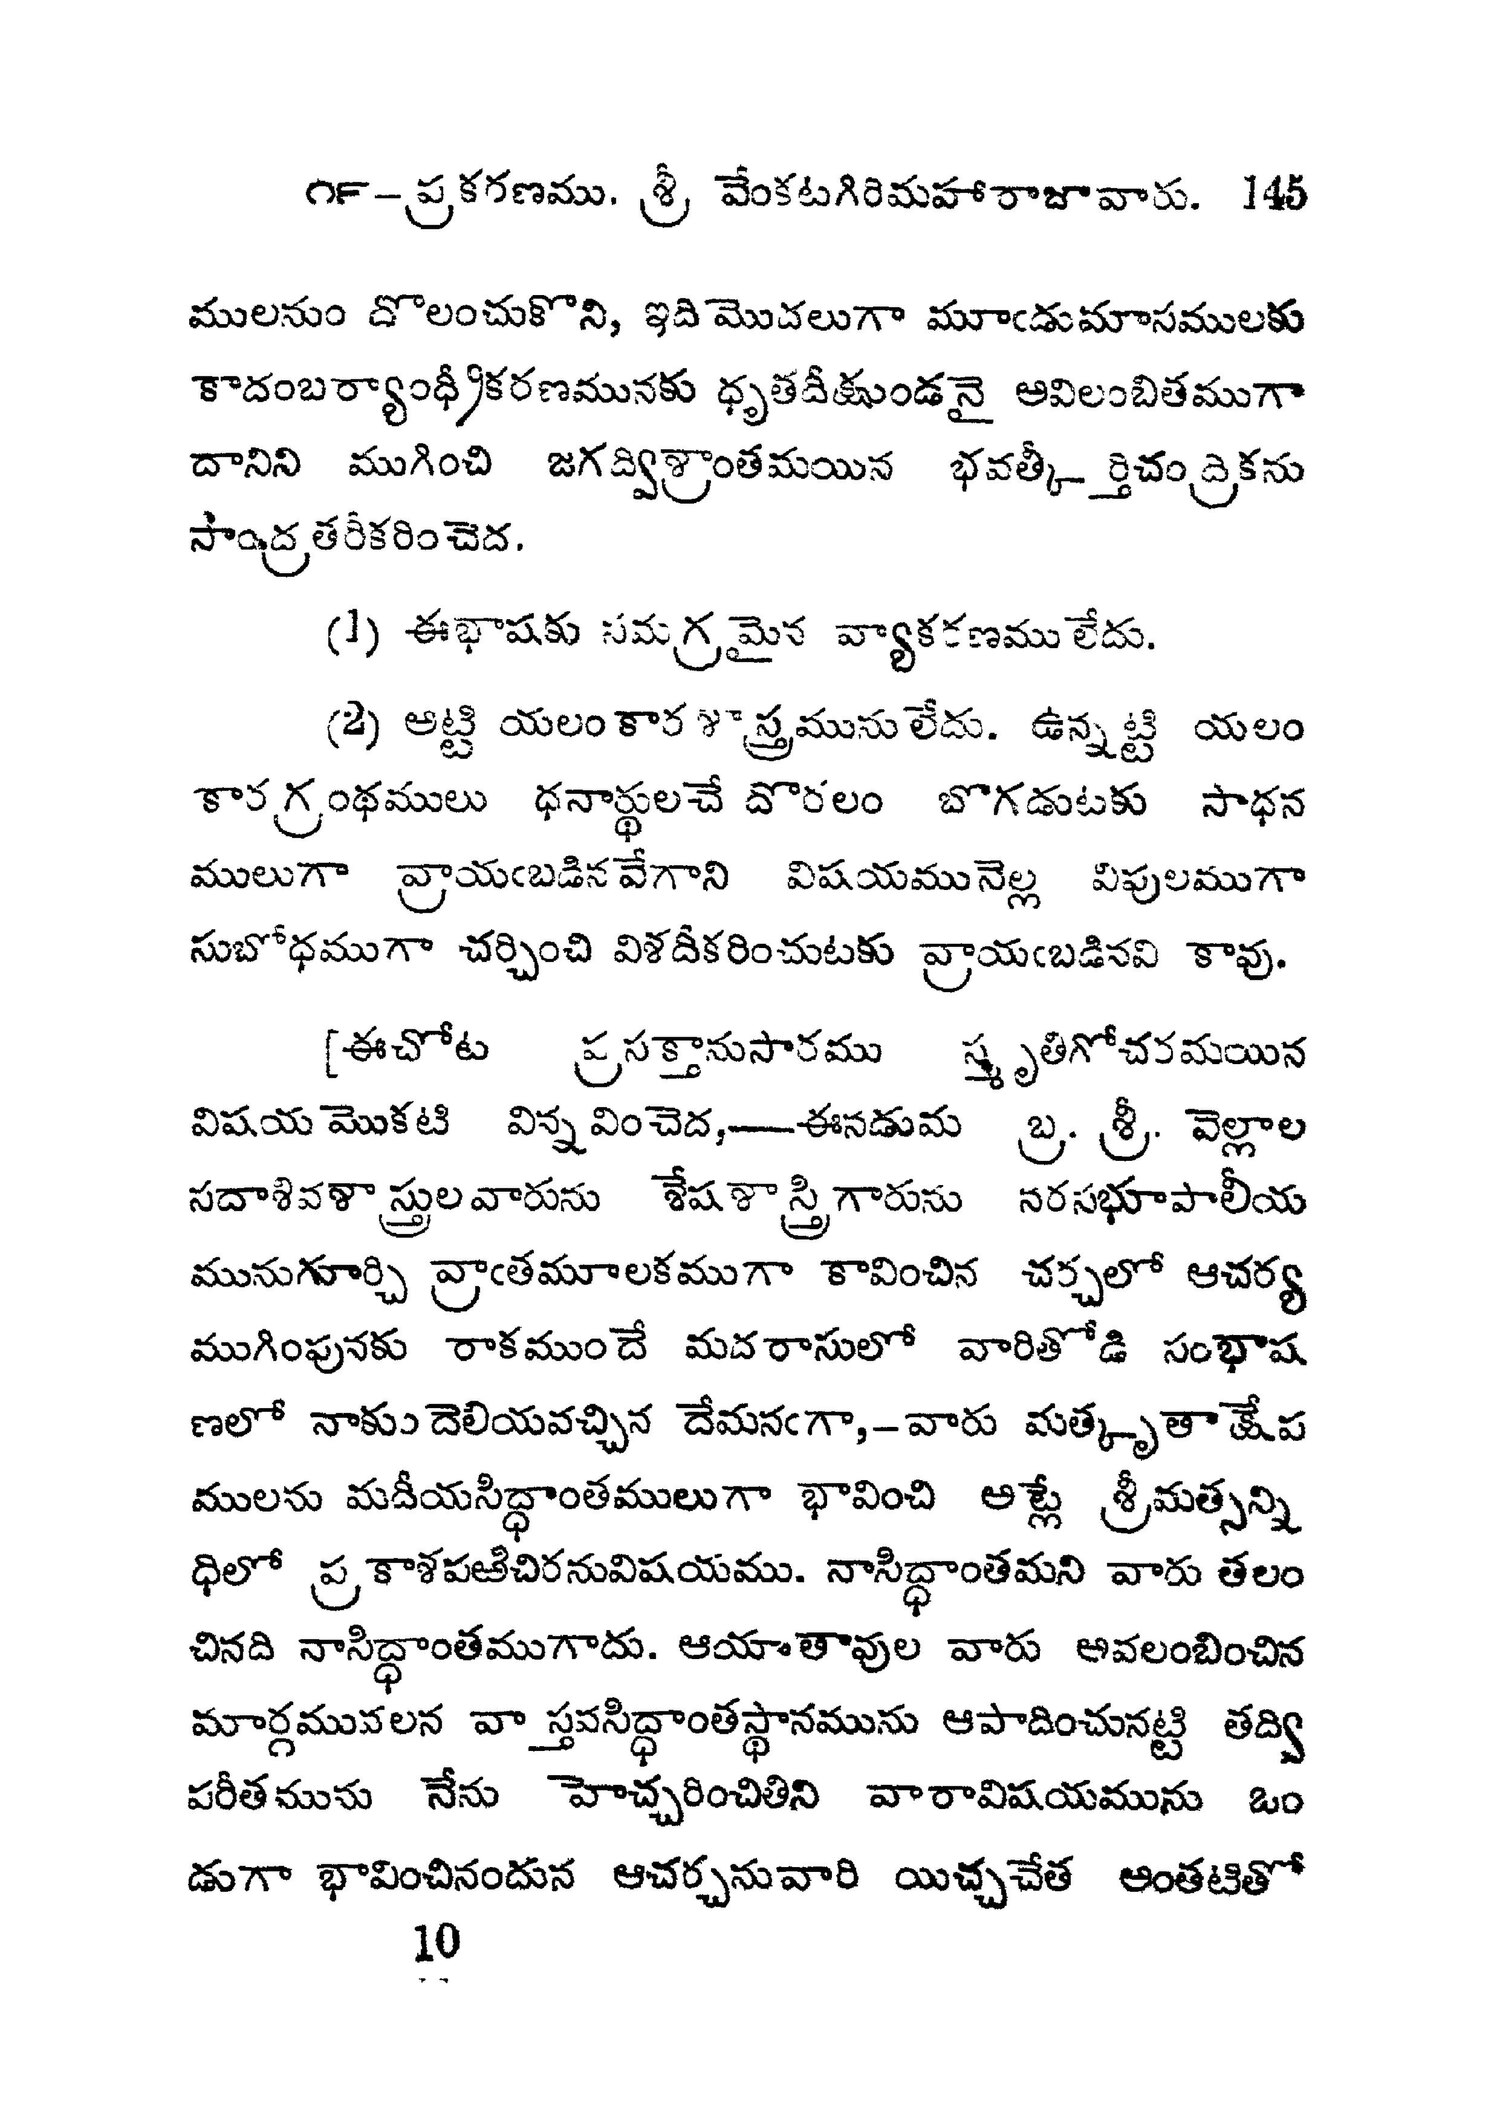ములనుం దొలంచుకొని, ఇదిమొదలుగా మూడుమాసములకు కాదంబర్యాంధ్రీకరణమునకు ధృతదీక్షుండనై అవిలంబితముగా దానిని ముగించి జగద్విశ్రాంతమయిన భవత్కీర్తిచంద్రికను సాంద్రతరీకరించెద.

(1) ఈభాషకు సమగ్రమైన వ్యాకరణములేదు.

(2) అట్టి యలంకారశాస్త్రమునులేదు. ఉన్నట్టి యలంకారగ్రంథములు ధనార్థులచే దొరలం బొగడుటకు సాధనములుగా వ్రాయబడినవేగాని విషయమునెల్ల విపులముగా సుబోధముగా చర్చించి విశదీకరించుటకు వ్రాయబడినవి కావు.

[ఈచోట ప్రసక్తానుసారము స్మృతిగోచారమయిన విషయమొకటి విన్నవించెద, - ఈనడుమ బ్ర.శ్రీ వెల్లాల సదాశివశాస్త్రులవారును శేషశాస్త్రిగారును సరసభూపాలీయమునుగూర్చి వ్రాతమూలకముగా కావించిన చర్చలో ఆచర్య ముగింపునకు రాకముందే మదరాసులో వారితోడి సంభాషణలో నాకుందెలియవచ్చిన దేమనగా, - వారు మత్కృతాక్షేపములను మదీయసిద్ధాంతములుగా భావించి అట్లే శ్రీమత్సన్నిధిలో ప్రకాశపఱిచిరను విషయము. నాసిద్ధాంతమని వారు తలంచినది నాసిద్ధాంతముగాదు. ఆయాతావుల వారు అవలంబించిన మార్గమువలన వాస్తవసిద్ధాంతస్థానమును ఆపాదించునట్టి తద్విపరీతమును నేను హెచ్చరించితిని. వారావిషయమును ఒండుగా భావించినందున ఆచర్చనువారి యిచ్చచేత అంతటితో